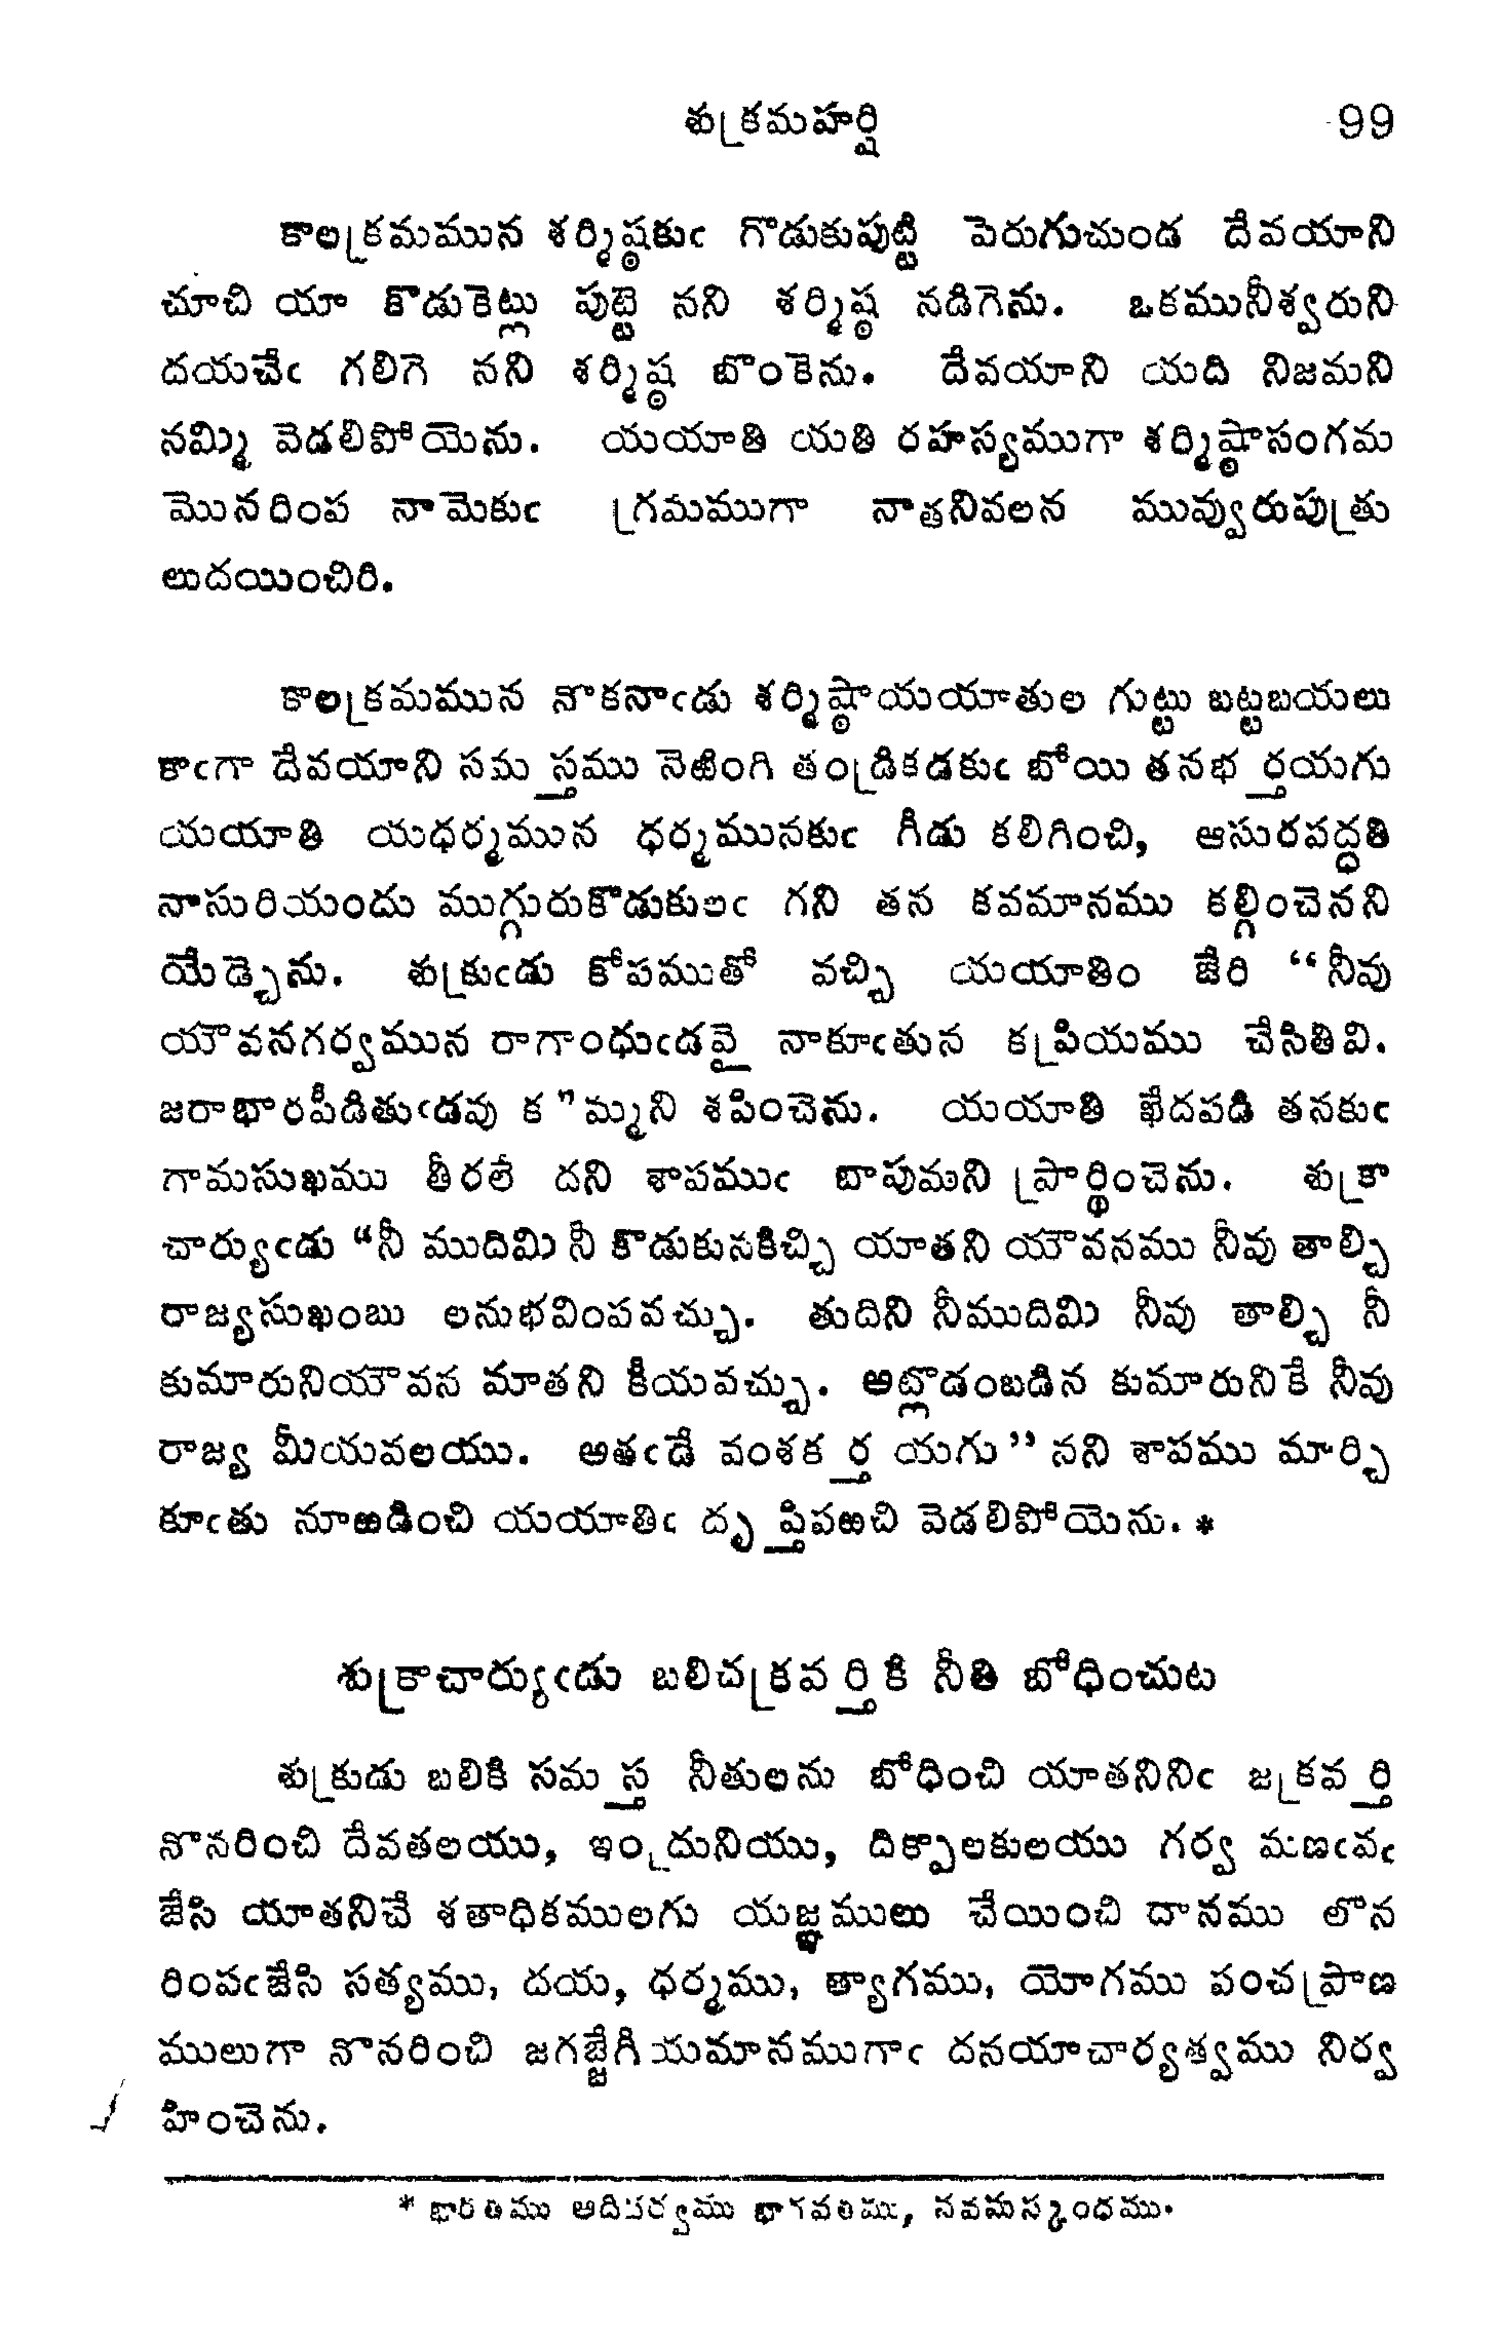కాలక్రమమున శర్మిష్ఠకుఁ గొడుకుపుట్టి పెరుగుచుండ దేవయాని చూచి యా కొడుకెట్లు పుట్టె నని శర్మిష్ఠ నడిగెను. ఒకమునీశ్వరుని దయచేఁ గలిగె నని శర్మిష్ఠ బొంకెను. దేవయాని యది నిజమని నమ్మి వెడలిపోయెను. యయాతి యతి రహస్యముగా శర్మిష్ఠాసంగమ మొనరింప నామెకుఁ గ్రమముగా నాతనివలన మువ్వురుపుత్రు లుదయించిరి.

కాలక్రమమున నొకనాఁడు శర్మిష్ఠాయయాతుల గుట్టు బట్టబయలు కాఁగా దేవయాని సమస్తము నెఱింగి తండ్రికడకుఁ బోయి తనభర్తయగు యయాతి యధర్మమున ధర్మమునకుఁ గీడు కలిగించి, ఆసురపద్దతి నాసురియందు ముగ్గురుకొడుకులఁ గని తన కవమానము కల్గించెనని యేడ్చెను. శుక్రుఁడు కోపముతో వచ్చి యయాతిం జేరి " నీవు యౌవనగర్వమున రాగాంధుఁడవై నాకూఁతున కప్రియము చేసితివి. జరాభారపీడితుఁడవు క"మ్మని శపించెను. యయాతి ఖేదపడి తనకుఁ గామసుఖము తీరలే దని శాపముఁ బాపుమని ప్రార్థించెను. శుక్రాచార్యుఁడు “నీ ముదిమి నీ కొడుకునకిచ్చి యాతని యౌవనము నీవు తాల్చి రాజ్యసుఖంబు లనుభవింపవచ్చు. తుదిని నీముదిమి నీవు తాల్చి నీ కుమారునియౌవన మాతని కీయవచ్చు. అట్లొడంబడిన కుమారునికే నీవు రాజ్య మీయవలయు. అతఁడే వంశకర్త యగు"నని శాపము మార్చి కూఁతు నూఱడించి యయాతిఁ దృప్తిపఱచి వెడలిపోయెను.*

శుక్రాచార్యుఁడు బలిచక్రవర్తికి నీతి బోధించుట 

శుక్రుడు బలికి సమస్త నీతులను బోధించి యాతనినిఁ జక్రవర్తి నొనరించి దేవతలయు, ఇంద్రునియు, దిక్పాలకులయు గర్వ మణఁవం జేసి యాతనిచే శతాధికములగు యజ్ఞములు చేయించి దానము లొనరింపఁజేసి సత్యము, దయ, ధర్మము, త్యాగము, యోగము పంచప్రాణములుగా నొనరించి జగజ్జేగీయమానముగాఁ దనయాచార్యత్వము నిర్వహించెను.